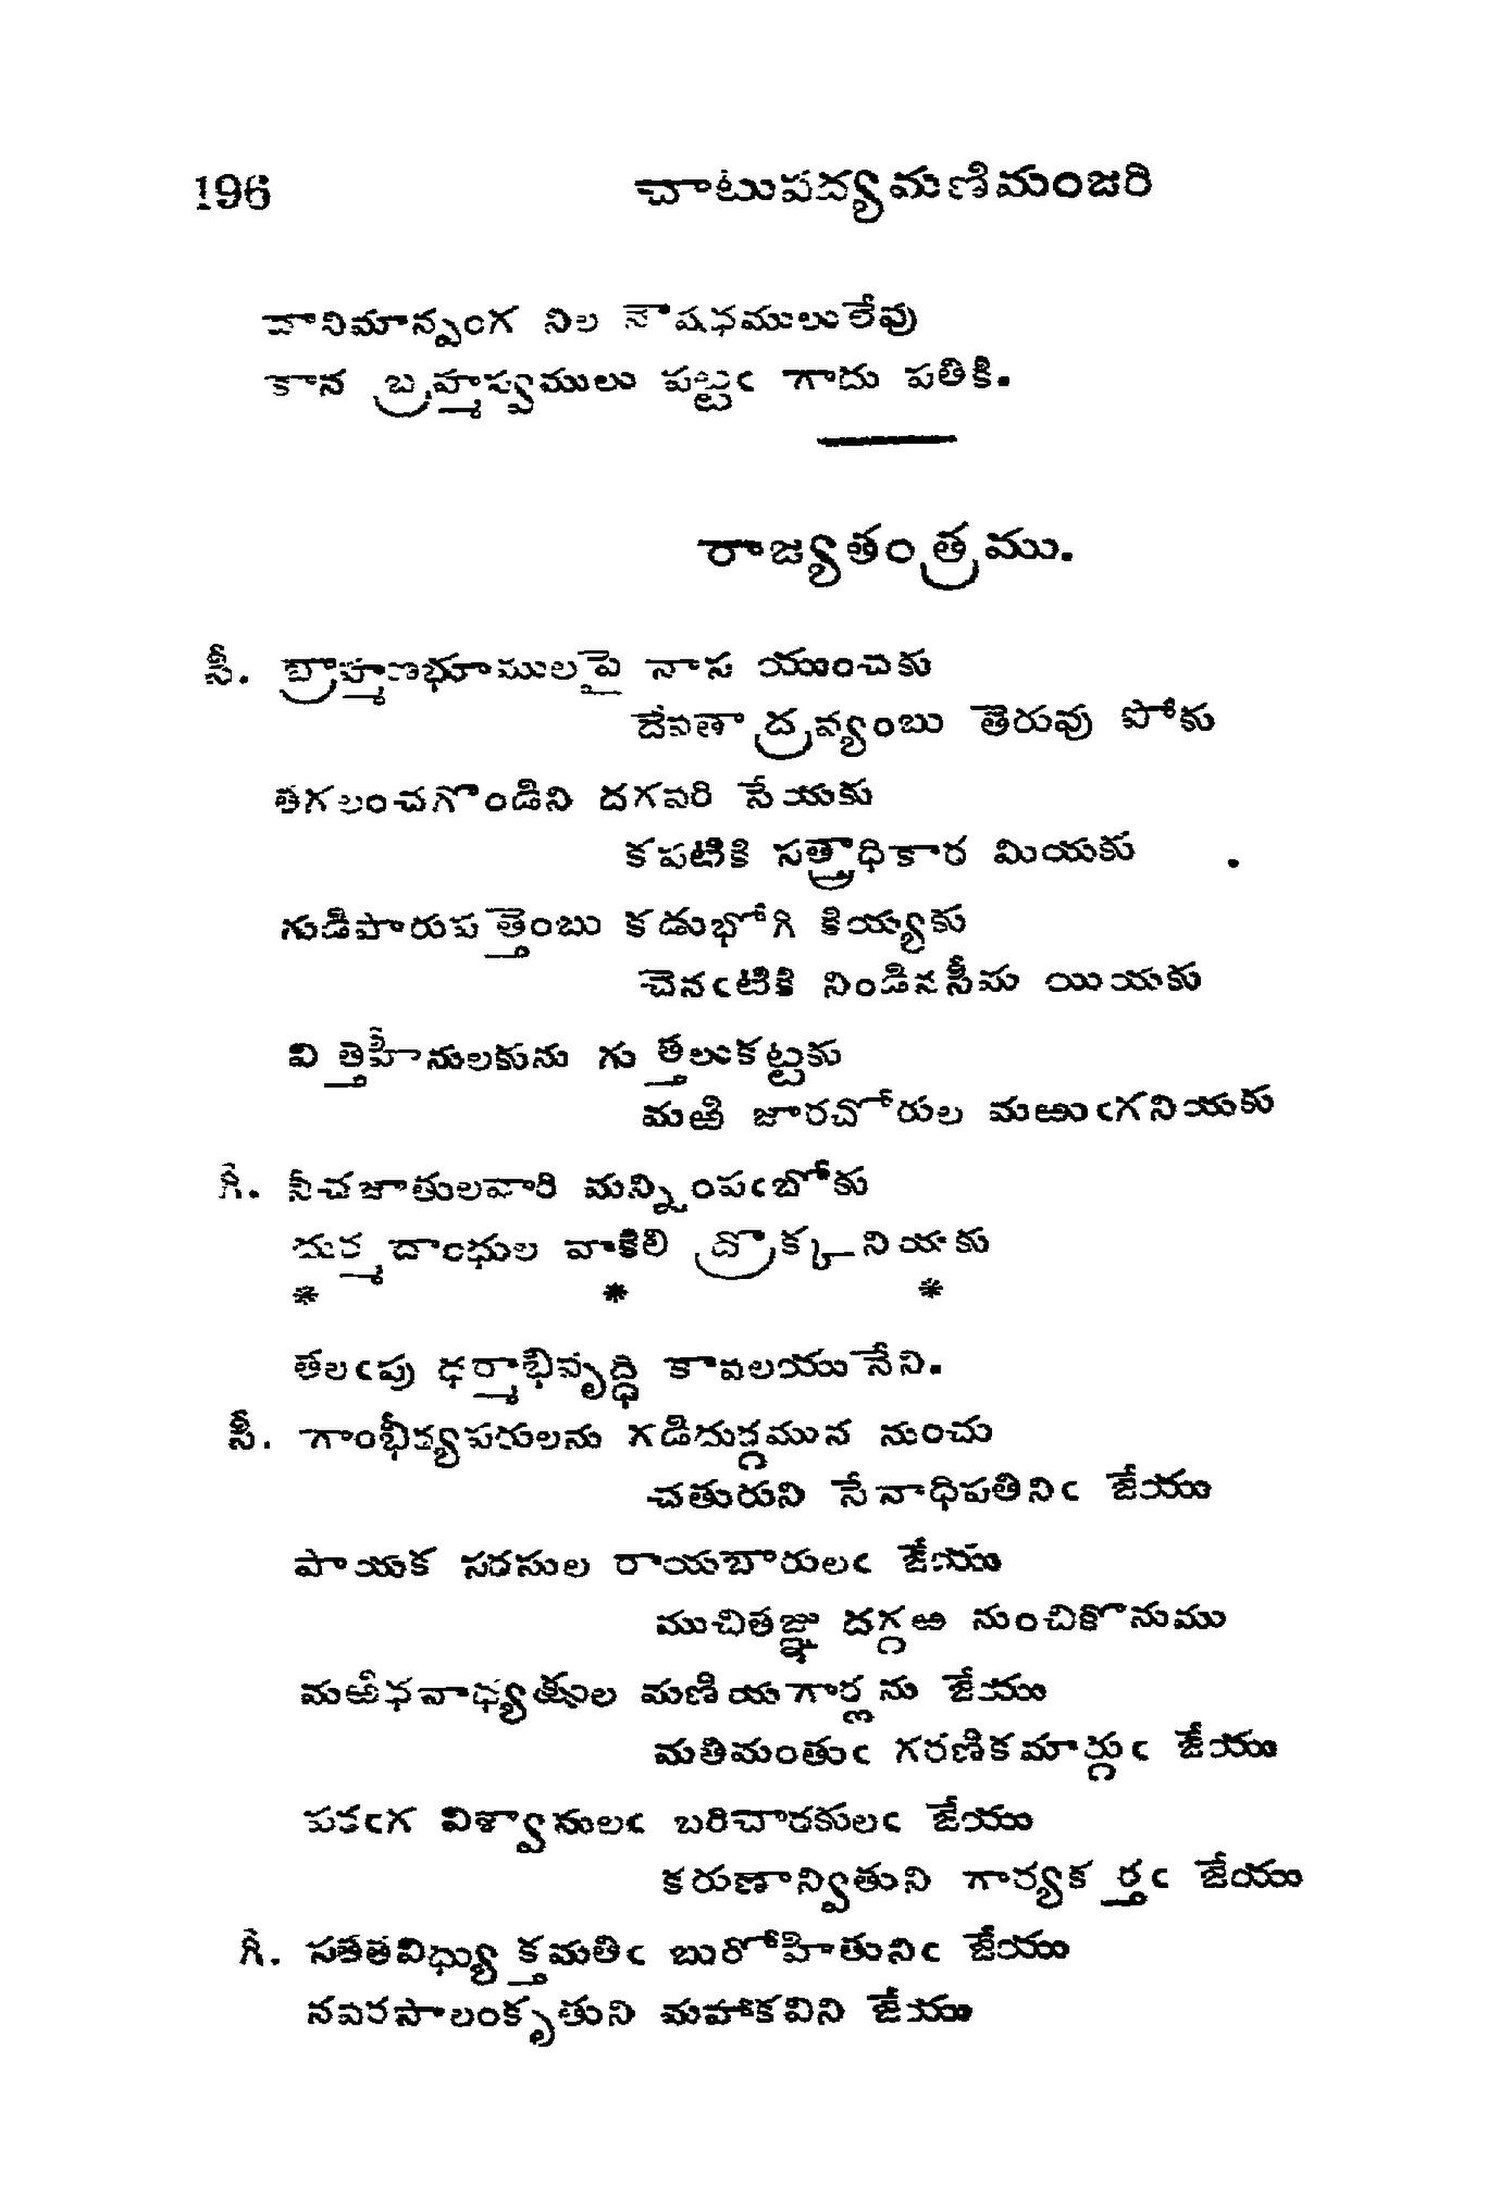దాని మాన్పంగ నిల నౌషధములు లేవు
 కాన బ్రహ్మస్వములు పట్టఁ గాదు పతికి.

సీ. బ్రాహ్మణభూములపై నాస యుంచకు
 దేవతాద్రవ్యంబు తెరువు సోకు
 తగలంచగొండిని దగవరి సేయకు
 కపటికి సత్త్రాధికార మియకు
 గుడిపారుపత్తెంబు కడభోగి కియ్యకు
 చెనఁటికి నిండినసీమ యియకు
 విత్తహీనులకును గుత్తలుకట్టకు
 మఱి జారచోరుల మఱుఁగనియకు
గీ. నీచజాతులవీరి మన్నింపఁబోకు
 దుర్మదాంధుల వాకిలి ద్రొక్కనియకు
 ...........................................
 తలఁపు ధర్మాభివృద్ధి కావలయునేని.
సీ. గాంభీర్యపరులను గడిదుర్గమున నుంచు
 చతురుని సేనాధిపతినిఁ జేయు
 పాయక సరసుల రాయబారులఁ జేయు
 ముచితజ్ఞు దగ్గఱ నుంచికొనుము
 మఱిధనాధ్యక్షుల మణియగార్లను జేయు
 మతిమంతుఁ గరణికమార్గుఁ జేయు
 పరఁగ విశ్వాసులఁ బరిచారకులఁ జేయు
 కరుణాన్వితుని గార్యకర్తఁ జేయు
గీ. సతతవిద్యుక్తమతిఁ బురోహితునిఁ జేయు
 నవరసాలంకృతిని మహాకవిని జేయు